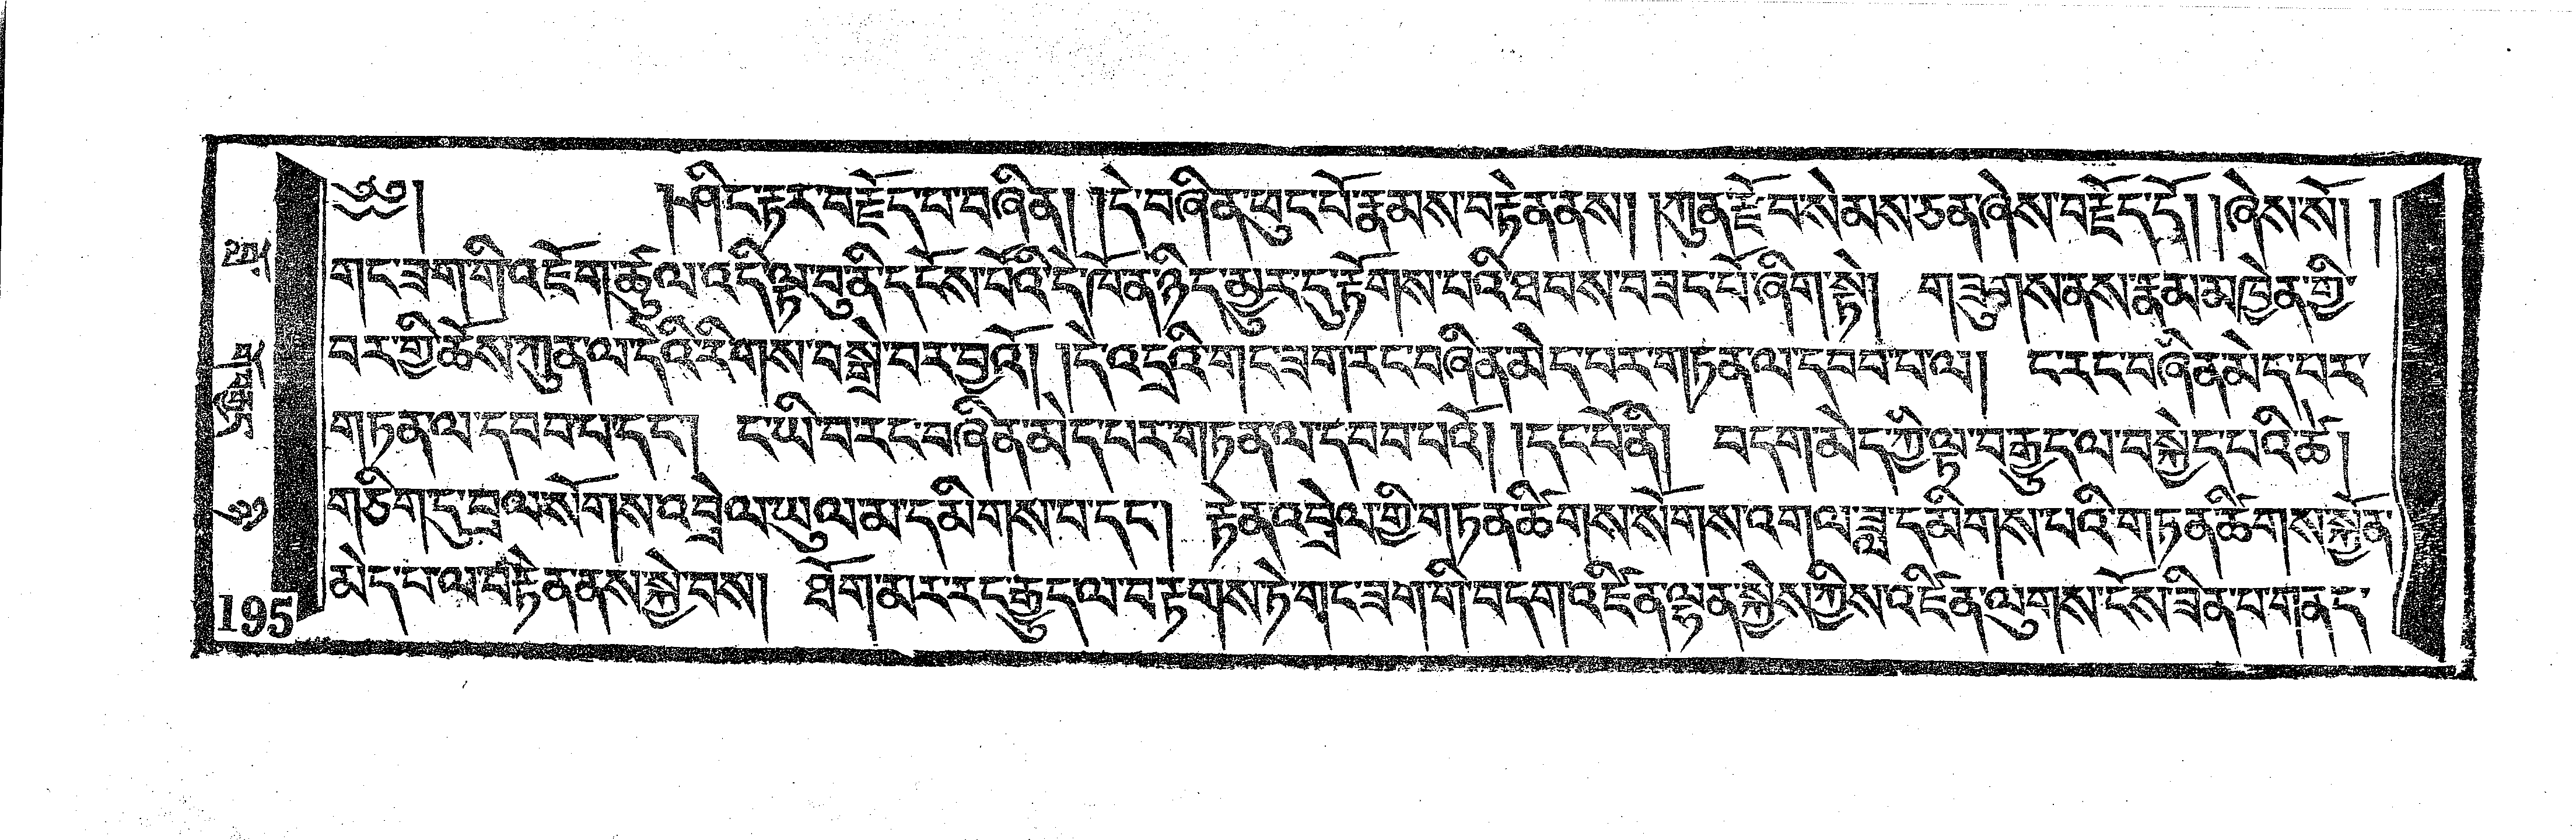༄༅། །ཤིང་རྟར་བརྗོད་པ་བཞིན། །དེ་བཞིན་ཕུང་པོ་རྣམས་བརྟེན་ནས། །ཀུན་རྫོབ་སེམས་ཅན་ཞེས་བརྗོད་དོ། །ཞེས་སོ། །
གང་ཟག་གི་འཇོག་ཚུལ་འདི་ལྟ་བུ་ནི་དངོས་པོའི་དེ་ཁོ་ན་ཉིད་མྱུར་དུ་རྟོགས་པའི་ཐབས་བཟང་པོ་ཞིག་སྟེ། གཟུགས་ནས་རྣམ་མཁྱེན་གྱི་
བར་གྱི་ཆོས་ཀུན་ལ་དེའི་རིགས་བསྒྲེ་བར་བྱའོ། །དེ་འདྲའི་གང་ཟག་རང་བཞིན་མེད་པར་གཏན་ལ་དབབ་པ་ལ། ང་རང་བཞིན་མེད་པར་
གཏན་ལ་དབབ་པ་དང་། ང་ཡི་བ་རང་བཞིན་མེད་པར་གཏན་ལ་དབབ་པའོ། །དང་པོ་ནི། བདག་མེད་ཀྱི་ལྟ་བ་རྒྱུད་ལ་བསྐྱེད་པའི་ཚེ།
གཅིག་ཏུ་བྲལ་སོགས་འབྲེལ་ཡུལ་མ་དམིགས་པ་དང་། རྟེན་འབྲེལ་གྱི་གཏན་ཚིགས་སོགས་འགལ་ཟླ་དམིགས་པའི་གཏན་ཚིགས་སྐྱོན་
མེད་པ་ལ་བརྟེན་ནས་སྐྱེ་བས། ཐོག་མར་རང་རྒྱུད་ལ་བརྟགས་ཏེ་གང་ཟག་གི་བདག་འཛིན་ལྷན་སྐྱེས་ཀྱིས་འཛིན་ལུགས་ངོས་ཟིན་པ་གནད་